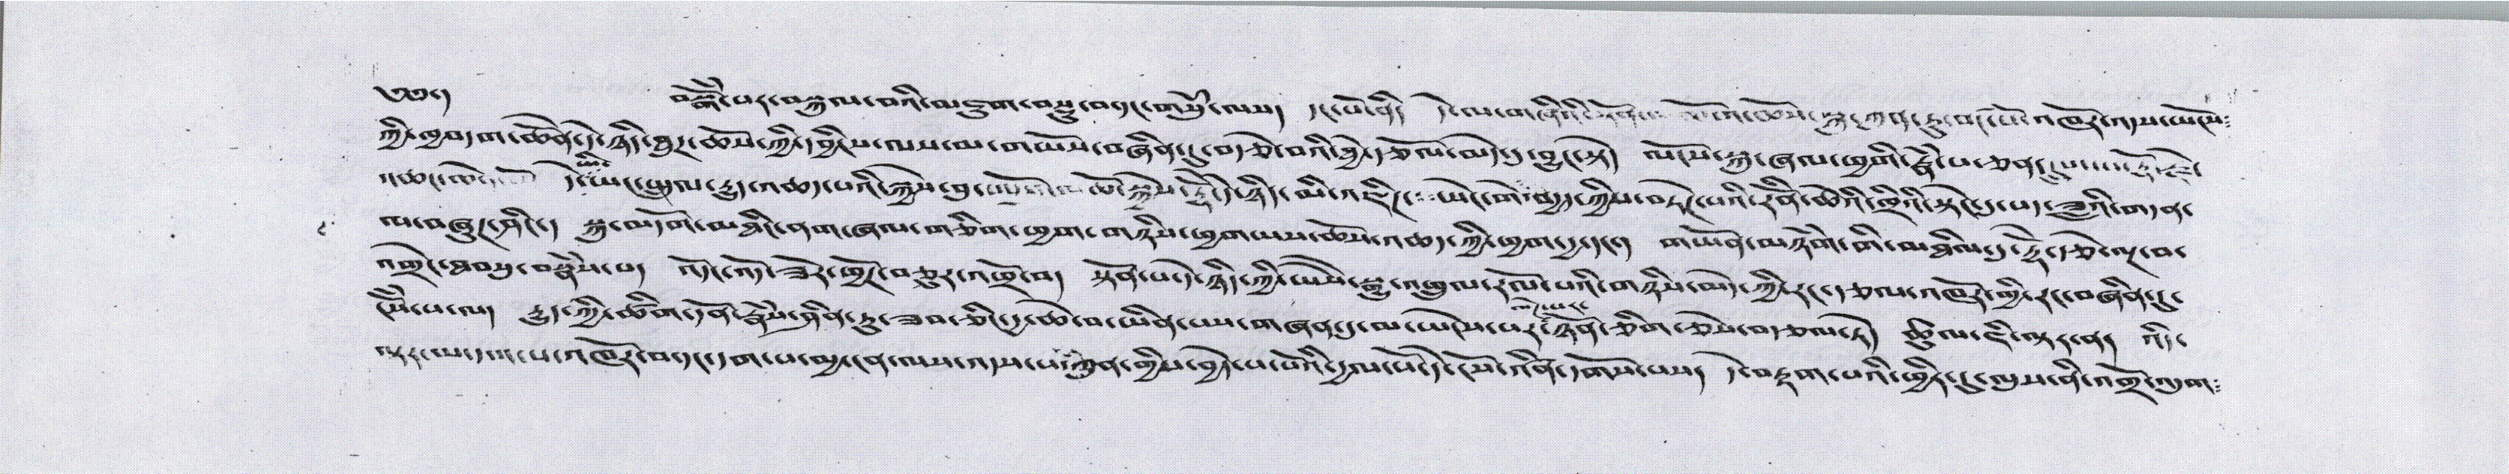བསྒོམ་པར་བསྐུལ་བའི་མཇུག་བསྡུ་བ་དང་གསུམ་ལས། དང་པོ་ནི། དེ་ལ་གཞིའི་སྟོན་པ་པོ་ཆོས་སྐུ་ཀུན་ཏུ་བཟང་པོ་འཁོར་འདས་ཡོངས་
ཀྱི་ཁྱབ་བདག་ཆེན་པོ་དེ་ཉིད་ཐུགས་ཆོས་ཀྱི་དབྱིངས་ལས་མ་གཡོས་བཞིན་དུ་བརྩེ་བའི་ཐུགས་རྗེ་རྩོལ་མེད་དུ་བྱུང་སྟེ། ལོངས་སྐུ་ཞལ་ཕྱག་གི་རྣམ་པ་ཅན་དྲུག་ལ་རྡོ་རྗེ་
འཆང་ཆེན་པོ་དེ་ཡི་ཡང་སྤྲུལ་རྒྱུད་འཆད་པའི་སྐྱེས་བུ་ཨོ་རྒྱན་མཚོ་སྐྱེས་རྡོ་རྗེ་དེ་ཉིད་མི་འཇིགས་པ་སེང་གེ་བརྒྱད་ཀྱིས་བཏེགས་པའི་རིན་པོ་ཆེའི་ཁྲིའི་སྟེང་དུ་པད་ཟླའི་གདན་
ལ་བཞུགས་ཤིང། སྐུ་མདོག་མཐིང་ནག་ཞལ་གཅིག་ཕྱག་གཉིས་ཕྱག་གཡས་ཆོས་འཆད་ཀྱི་ཕྱག་རྒྱ་དང། གཡོན་མཉམ་བཞག་གི་མཐིལ་དུ་རྡོ་རྗེ་རྩེ་ལྔ་བ་
འགྲེང་ཐབས་སུ་བསྣམས་པ། འོད་དང་འོད་ཟེར་ཕྱོགས་བཅུར་འཕྲོ་བ། སྟོན་པ་དེ་ཉིད་ཀྱི་ཡེ་ཤེས་སྒྱུ་འཕྲུལ་རོལ་པའི་གཉིས་མེད་ཀྱི་རང་རྩལ་འཁོར་གྱི་རང་བཞིན་དུ་
ངོམས་པ་ལ། རྒྱུད་ཀྱི་ཚིག་དོན་རྣམས་ཤིན་ཏུ་ཟབ་ཅིང་རྒྱ་ཆེ་བ་ཡིན་པས་གཞན་དུ་མ་ཡེངས་པར་ལེགས་པར་ཉོན་ཅིག་ཅེས་བརྩལ་ཏེ། ཚུལ་ཇི་ལྟར་ན། འདི་
ལྟར་མ་དག་པ་འཁོར་བ་དང་དག་པ་མྱ་ངན་ལས་འདས་པ་ཀུན་གྱིས་བྱེད་པ་པོའི་རྒྱལ་པོ་དེ་ངོས་འཛིན་དགོས་པས། དེ་བརྟག་པའི་ཕྱིར་དུ་ལུས་ནི་འགྲོ་འདུག་